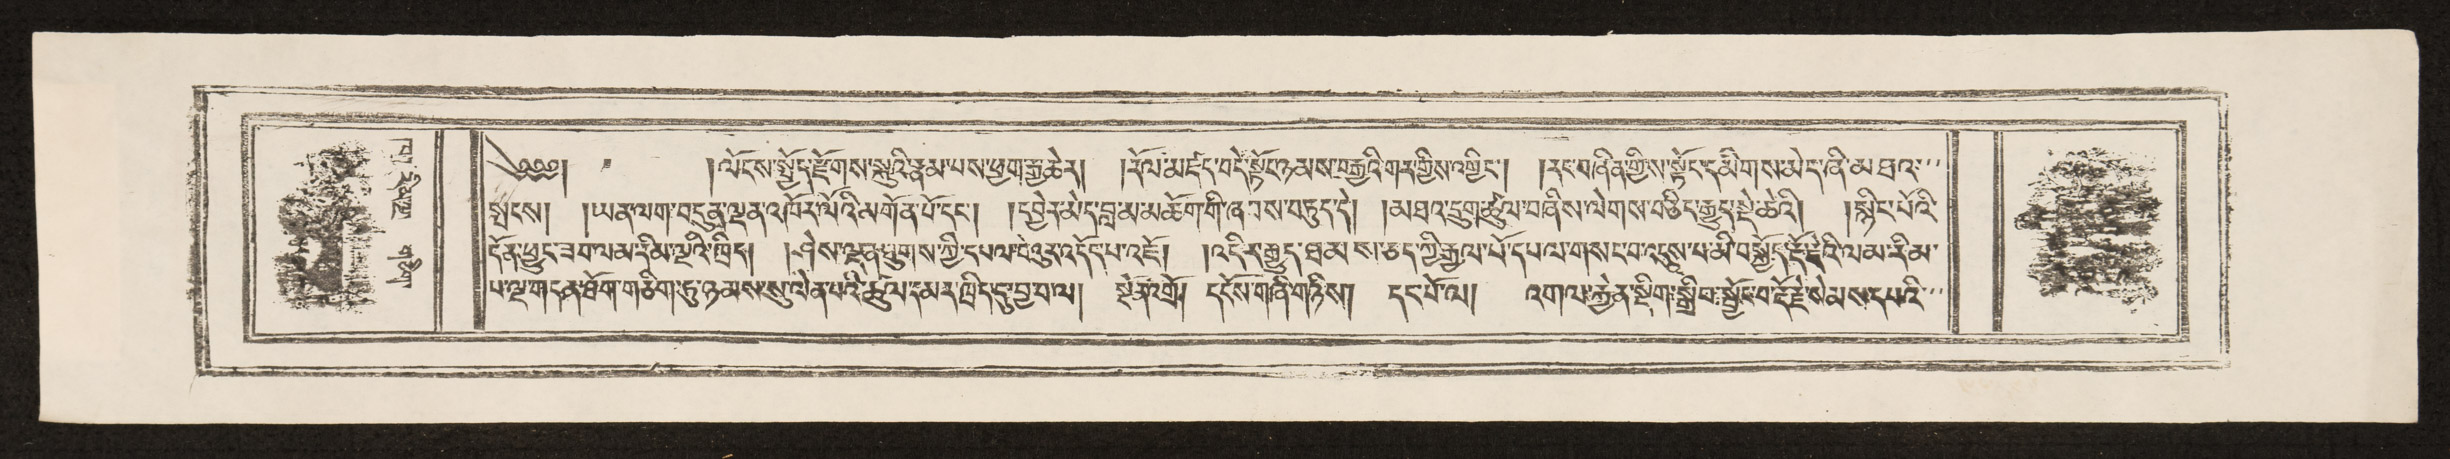༄༅༅། །ལོངས་སྤྱོད་རྫོགས་སྐུའི་རྣམ་པས་ཕྱག་རྒྱ་ཆེར། །རོལ་མཛད་བདེ་སྟོང་ཉམས་བརྒྱའི་གར་གྱིས་འགྱིང་། །རང་བཞིན་གྱིས་སྟོང་དམིགས་མེད་ཞི་མཐའ་
སྤངས། །ཡན་ལག་བདུན་ལྡན་འཁོར་ལོའི་མགོན་པོ་དང་། །དབྱེར་མེད་བླ་མ་མཆོག་གི་ཞབས་བཏུད་དེ། །མཐའ་དྲུག་ཚུལ་བཞིས་ལེགས་བཅིང་རྒྱུད་སྡེ་ཆེའི། །སྙིང་པོའི་
དོན་ཕྱུང་ཟབ་ལམ་རིམ་ལྔའི་ཁྲིད། །ཤེས་ལྡན་ཐུགས་ཀྱི་དཔལ་བེའུར་འདོད་པ་འཇོ། །འདིར་རྒྱུད་ཐམས་ཅད་ཀྱི་རྒྱལ་པོ་དཔལ་གསང་བ་འདུས་པ་མི་བསྐྱོད་རྡོ་རྗེའི་ལམ་རིམ་
པ་ལྔ་གདན་ཐོག་གཅིག་ཏུ་ཉམས་སུ་ལེན་པའི་ཚུལ་དམར་ཁྲིད་དུ་བྱ་བ་ལ། སྔོན་འགྲོ། དངོས་གཞི་གཉིས། དང་པོ་ལ། འགལ་རྐྱེན་སྡིག་སྒྲིབ་སྦྱོང་བ་རྡོ་རྗེ་སེམས་དཔའི་